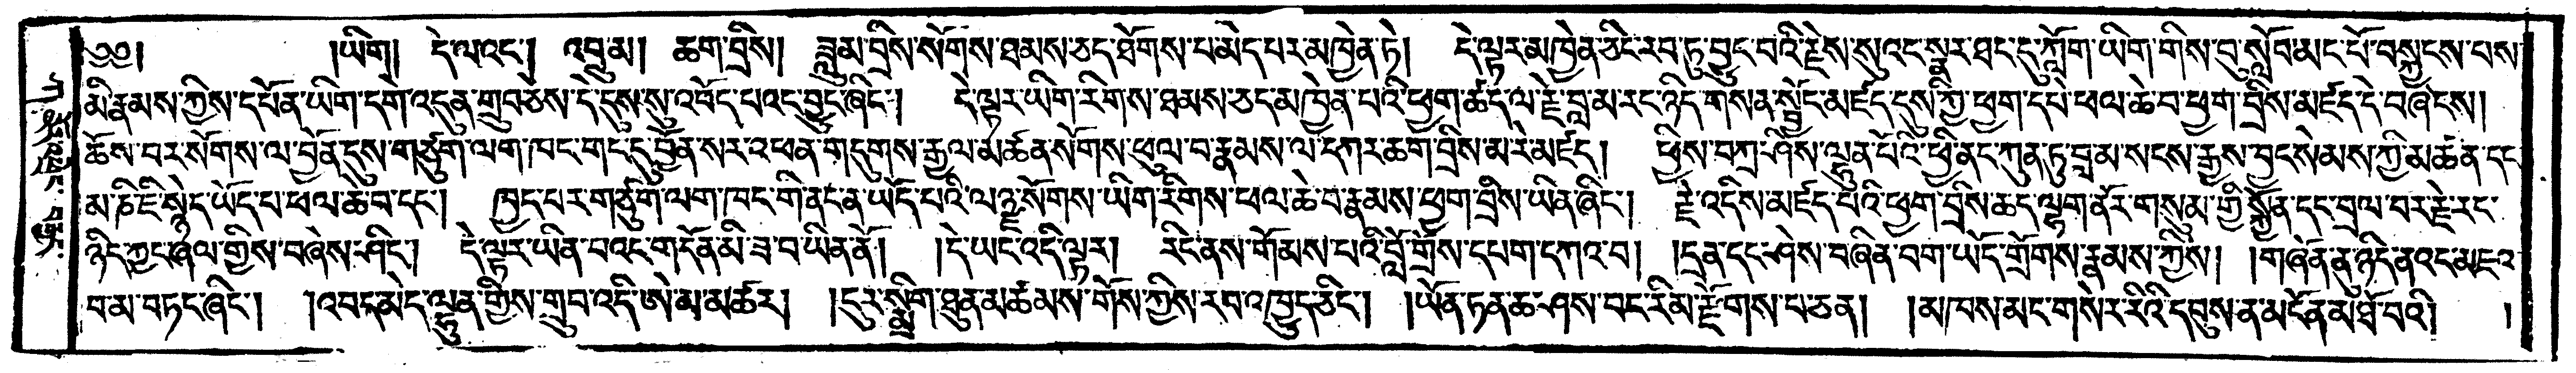༄༅། །ཡིག། དེ་ལའང་། འབྲུ་མ། ཆག་བྲིས། ཟླུམ་བྲིས་སོགས་ཐམས་ཅད་ཐོགས་པ་མེད་པར་མཁྱེན་ཏེ། དེ་ལྟར་མཁྱེན་ཅིང་རབ་ཏུ་བྱུང་བའི་རྗེས་སུའང་སྣར་ཐང་དུ་ཀློག་ཡིག་གིས་བུ་སློབ་མང་པོ་བསྐྱངས་པས་
མི་རྣམས་ཀྱིས་དཔོན་ཡིག་དགེ་འདུན་གྲུབ་ཅེས་དེ་དུས་སུ་འབོད་པའང་བྱུང་ཞིང་། དེ་ལྟར་ཡིག་རིགས་ཐམས་ཅད་མཁྱེན་པའི་ཕྱག་ཚད་ལ་རྗེ་བླ་མ་རང་ཉིད་གསན་སྦྱོང་མཛད་དུས་ཀྱི་ཕྱག་དཔེ་ཕལ་ཆེ་བ་ཕྱག་བྲིས་མཛད་དེ་བཞེངས།
ཆོས་བར་སོགས་ལ་བྱོན་དུས་གཙུག་ལག་ཁང་གང་དུ་བྱོན་སར་འཕན་གདུགས་རྒྱལ་མཚན་སོགས་ཕུལ་བ་རྣམས་ལ་དཀར་ཆག་བྲིས་མ་རེ་མཛད། ཕྱིས་བཀྲ་ཤིས་ལྷུན་པོའི་ཕྱི་ནང་ཀུན་ཏུ་བླ་མ་སངས་རྒྱས་བྱང་སེམས་ཀྱི་མཚན་དང་
མ་ཎི་ཇི་སྙེད་ཡོད་པ་ཕལ་ཆེ་བ་དང་། ཁྱད་པར་གཙུག་ལག་ཁང་གི་ནང་ན་ཡོད་པའི་ལཉྫ་སོགས་ཡིག་རིགས་ཕལ་ཆེ་བ་རྣམས་ཕྱག་བྲིས་ཡིན་ཞིང་། རྗེ་འདིས་མཛད་པའི་ཕྱག་བྲིས་ཆད་ལྷག་ནོར་གསུམ་གྱི་སྐྱོན་དང་བྲལ་བར་རྗེ་རང་
ཉིད་ཀྱང་ཞལ་གྱིས་བཞེས་ཤིང་། དེ་ལྟར་ཡིན་པའང་གདོན་མི་ཟ་བ་ཡིན་ནོ། །དེ་ཡང་འདི་ལྟར། རིང་ནས་གོམས་པའི་བློ་གྲོས་དཔག་དཀའ་བ། །དྲན་དང་ཤེས་བཞིན་བག་ཡོད་གྲོགས་རྣམས་ཀྱིས། །གཞོན་ནུ་ཉིད་ནའང་མཇའ་
བ་མ་བཏང་ཞིང་། །འབད་མེད་ལྷུན་གྱིས་གྲུབ་འདི་ཨེ་མ་མཚར། །དུར་སྨྲིག་ཐུན་མཚམས་གོས་ཀྱིས་རབ་འཁྱུད་ཅིང་། །ཡོན་ཏན་ཆ་ཤས་བང་རིམ་རྫོགས་པ་ཅན། །མཁས་མང་གསེར་རིའི་དབུས་ན་མངོན་མཐོ་བའི། །